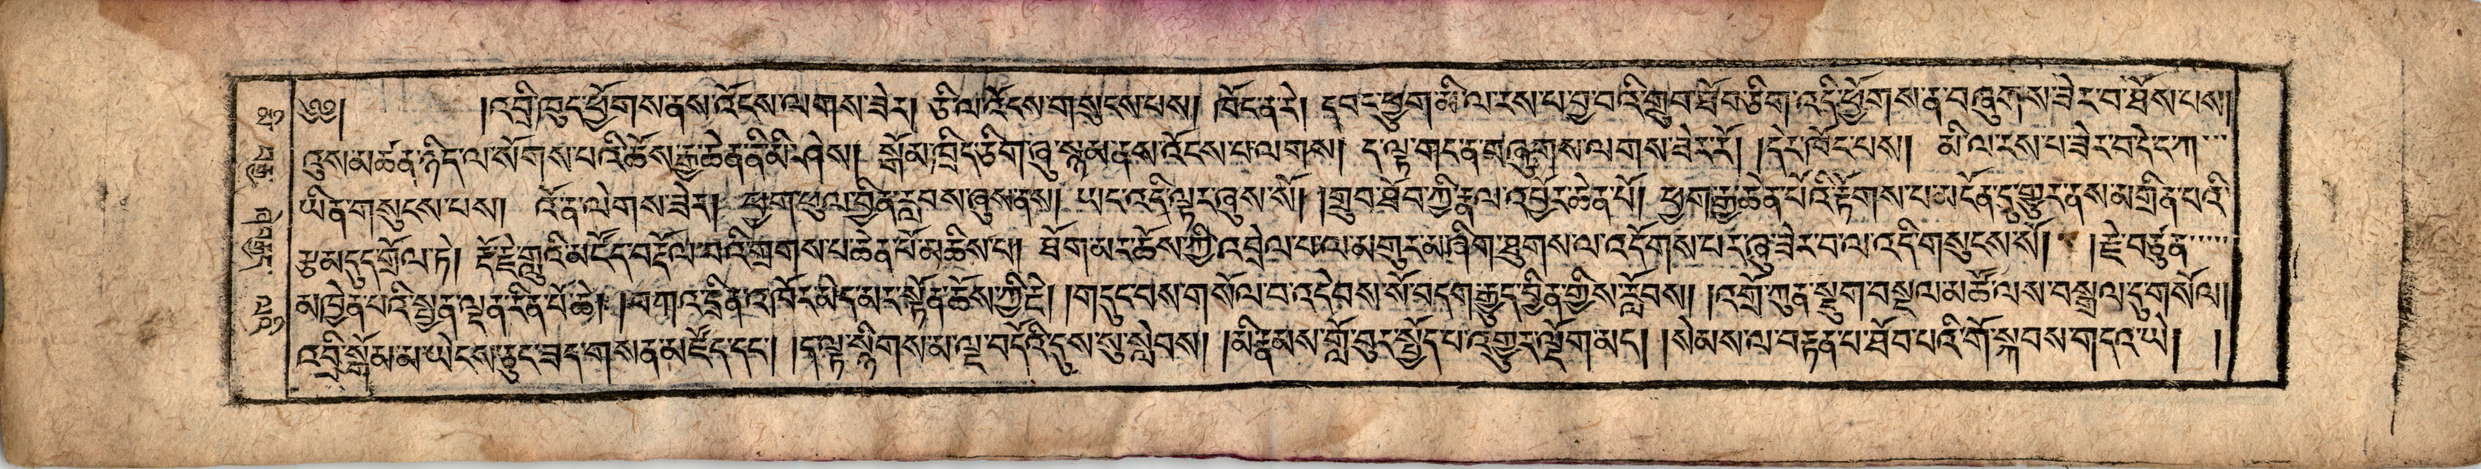འབྲི་ཁུང་ཕྱོགས་ནས་འོངས་ལགས་ཟེར། ཅི་ལ་འོངས་གསུངས་པས། ཁོང་ན་རེ། དབང་ཕྱུག་མི་ལ་རས་པ་བྱ་བའི་གྲུབ་ཐོབ་ཅིག་འདི་ཕྱོགས་ན་བཞུགས་ཟེར་བ་ཐོས་པས། 
འུས་མཚན་ཉིད་ལ་སོགས་པའི་ཆོས་རྒྱ་ཆེན་ནི་མི་ཤེས། སྒོམ་ཁྲིད་ཅིག་ཞུ་སྙམ་ནས་འོངས་པ་ལགས། ད་ལྟ་གང་ན་གཞུགས་ལགས་ཟེར་རོ། །དེར་ཁོང་པས། མི་ལ་རས་པ་ཟེར་བ་དེ་ང་ཀ་
ཡིན་གསུངས་པས། འོ་ན་ལེགས་ཟེར། ཕྱག་ཕུལ་བྱིན་རླབས་ཞུས་ནས། ཡང་འདི་ལྟར་ཞུས་སོ། །གྲུབ་ཐོབ་ཀྱི་རྣལ་འབྱོར་ཆེན་པོ། ཕྱག་རྒྱ་ཆེན་པོའི་རྟོགས་པ་མངོན་དུ་གྱུར་ནས་མགྲིན་པའི་
རྩ་མདུད་གྲོལ་ཏེ། རྡོ་རྗེ་གླུའི་མཛོད་བརྡོལ་པའི་གྲགས་པ་ཆེན་པོ་མཆིས་པ། ཐོག་མར་ཆོས་ཀྱི་འབྲེལ་པ་ལ་མགུར་མ་ཞིག་ཐུགས་ལ་འདོགས་པར་ཞུ་ཟེར་བ་ལ་འདི་གསུངས་སོ། །རྗེ་བཙུན་
མཁྱེན་པའི་སྤྱན་ལྡན་རིན་པོ་ཆེ། །བཀའ་དྲིན་འཁོར་མེད་མར་སྟོན་ཆོས་ཀྱི་རྗེ། །གདུང་བས་གསོལ་བ་འདེབས་སོ་བདག་རྒྱུད་བྱིན་གྱིས་རློབས། །འགྲོ་ཀུན་སྡུག་བསྔལ་མཚོ་ལས་བསྒྲལ་དུ་གསོལ། 
འབྲི་སྒོམ་མ་ཡེངས་ཅུང་ཟད་གསན་མཛོད་དང་། །ད་ལྟ་སྙིགས་མ་ལྔ་བདོའི་དུས་སུ་སླེབས། །མི་རྣམས་གློ་བུར་སྤྱོད་པ་འགྱུར་ལྡོག་མང་། །སེམས་ལ་བརྟན་པ་ཐོབ་པའི་གོ་སྐབས་གདའ་ཡེ། །